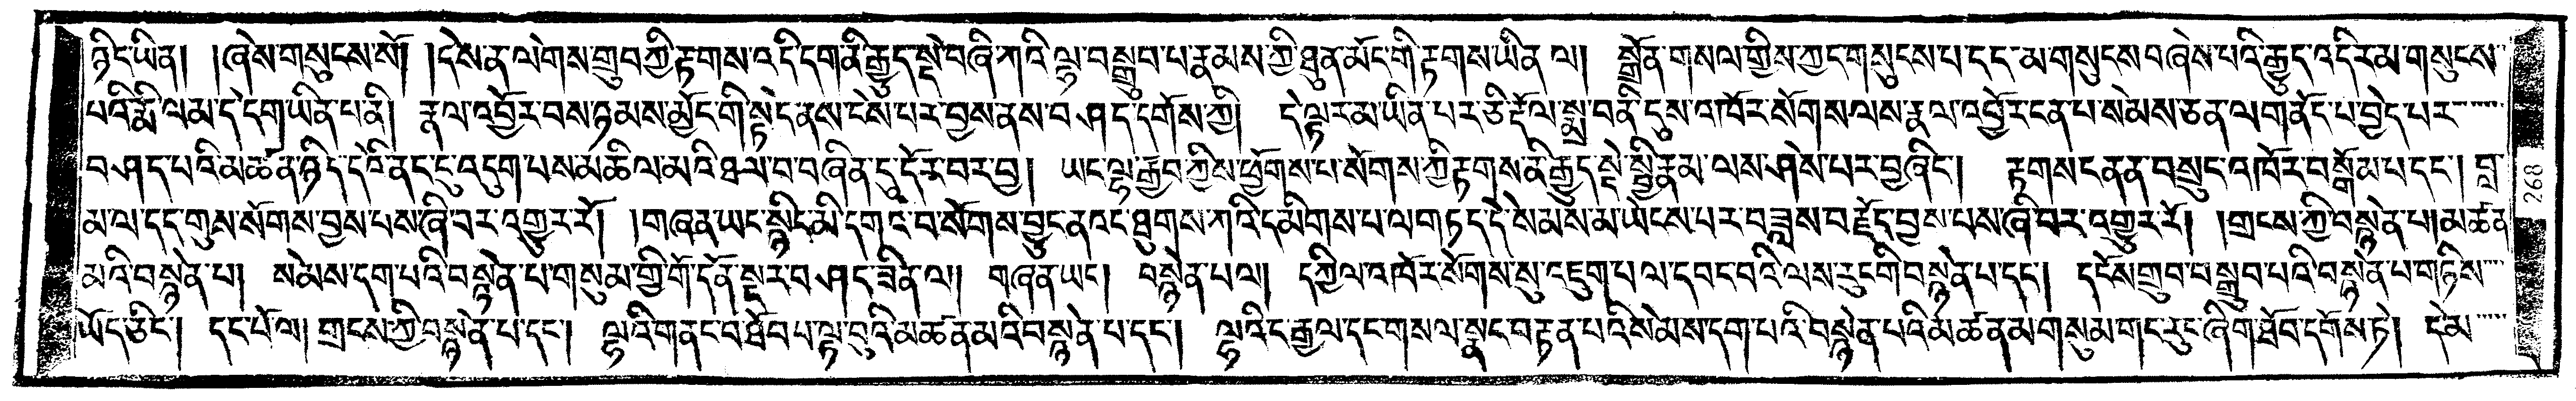ཉིད་ཡིན། །ཞེས་གསུངས་སོ། །དེས་ན་ལེགས་གྲུབ་ཀྱི་རྟགས་འདི་དག་ནི་རྒྱུད་སྡེ་བཞི་ཀའི་ལྷ་བསྒྲུབ་པ་རྣམས་ཀྱི་ཐུན་མོང་གི་རྟགས་ཡིན་ལ། སྒྲོན་གསལ་གྱིས་ཀྱང་གསུངས་པ་དང་མ་གསུངས་བཞེས་པའི་རྒྱུད་འདིར་མ་གསུངས་
པའི་རྨི་ལམ་དེ་དག་ཡིན་པ་ནི། རྣལ་འབྱོར་བས་ཉམས་མྱོང་གི་སྟེང་ནས་ངེས་པར་བྱས་ནས་བཤད་དགོས་ཀྱི། དེ་ལྟར་མ་ཡིན་པར་ཅི་རྡོལ་སྨྲ་བ་ནི་དུས་འཁོར་སོགས་ལས་རྣལ་འབྱོར་ངན་པ་སེམས་ཅན་ལ་གནོད་པ་བྱེད་པར་
བཤད་པའི་མཚན་ཉིད་དེའི་ནང་དུ་འདུག་པས་མཆིལ་མའི་ཐལ་བ་བཞིན་དུ་དོར་བར་བྱ། ཡང་ལྷ་རྒྱབ་ཀྱིས་ཕྱོགས་པ་སོགས་ཀྱི་རྟགས་ནི་རྒྱུད་སྡེ་སྤྱི་རྣམ་ལས་ཤེས་པར་བྱ་ཞིང་། རྟགས་ངན་ན་བསྲུང་འཁོར་བསྒོམ་པ་དང་། བླ་
མ་ལ་དད་གུས་སོགས་བྱས་པས་ཞི་བར་འགྱུར་རོ། །གཞན་ཡང་སྙིང་མི་དགའ་བ་སོགས་བྱུང་ནའང་ཐུགས་ཀའི་དམིགས་པ་ལ་གཏད་དེ་སེམས་མ་ཡེངས་པར་བཟླས་བརྗོད་བྱས་པས་ཞི་བར་འགྱུར་རོ། །གྲངས་ཀྱི་བསྙེན་པ། མཚན་
མའི་བསྙེན་པ། སེམས་དག་པའི་བསྙེན་པ་གསུམ་གྱི་གོ་དོན་སྔར་བཤད་ཟིན་ལ། གཞན་ཡང་། བསྙེན་པ་ལ། དཀྱིལ་འཁོར་སོགས་སུ་འཇུག་པ་ལ་དབང་བའི་ལས་རུང་གི་བསྙེན་པ་དང་། དངོས་གྲུབ་བསྒྲུབ་པའི་བསྙེན་པ་གཏིས་
ཡོད་ཅིང་། དང་པོ་ལ། གྲངས་ཀྱི་བསྙེན་པ་དང་། ལྷའི་གནང་བ་ཐོབ་པ་ལྟ་བུའི་མཚན་མའི་བསྙེན་པ་དང་། ལྷའི་ང་རྒྱལ་དང་གསལ་སྣང་བརྟན་པའི་སེམས་དག་པའི་བསྙེན་པའི་མཚན་མ་གསུམ་གང་རུང་ཞིག་ཐོབ་དགོས་ཏེ། དེ་མ་